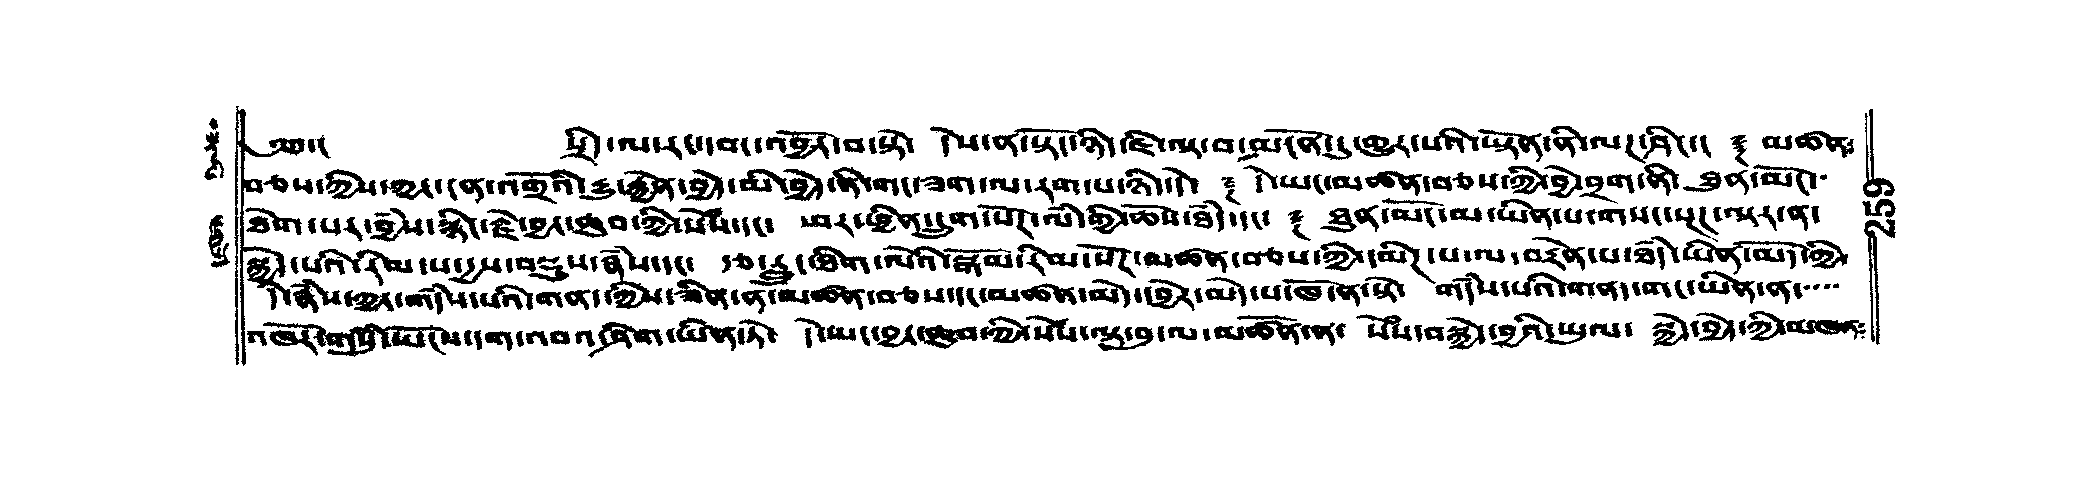སྲིད་ལ་རང་དབང་འབྱོར་བ་སྟེ། དེས་ན་སྟོང་ཉིད་ཇི་ལྟ་བ་མངོན་དུ་གྱུར་པའི་ཡོན་ཏན་ལགས་ཤིང་། མཚན་
བཅས་ཀྱིས་ཀྱང་ངན་འགྲོའི་རྒྱུ་རྐྱེན་བྱེད་མི་བྱེད་ནི་གང་ཟག་ལ་རག་པ་ཉིད་དེ། དེ་ཡང་མཚན་བཅས་ཀྱི་བྱེ་བྲག་ནི། ཐུན་མོང་
ཐེག་པར་བྱམས་སྙིང་རྗེ་བྱང་ཆུབ་ཀྱི་སེམས་དང་། ཕར་ཕྱིན་དྲུག་སོགས་ལམ་གྱི་ཆོས་ཐམས་ཅད་དང་། ཐུན་མོང་མ་ཡིན་པ་གསང་སྔགས་ལྟར་ན་
བསྐྱེད་པའི་རིམ་པ་རྒྱས་བསྡུས་རྣམས་དང་། རྩ་རླུང་ཐིག་ལེའི་སྒོམ་རིམ་སོགས་མཚན་བཅས་ཀྱི་དམིགས་པ་ལ་བརྟེན་པ་ཐམས་ཅད་ཡིན་མོད་ཀྱི་
དེ་རྣམས་ཀྱང་གདམས་པའི་གནད་ཀྱིས་ཟིན་ན་མཚན་བཅས་དང་མཚན་མེད་དབྱེར་མེད་པ་ཁོ་ན་སྟེ། གདམས་པའི་གནད་གང་ཡིན་ན་
འཁོར་གསུམ་ཡོངས་དག་འབའ་ཤིག་ཡིན་ཏེ། དེ་ཡང་བྱང་ཆུབ་ཀྱི་སེམས་ལྟ་བུ་ལ་མཚོན་ན། སེམས་བསྐྱེད་བྱའི་ཡུལ། སྐྱེད་བྱེད་ཀྱི་མཁན་